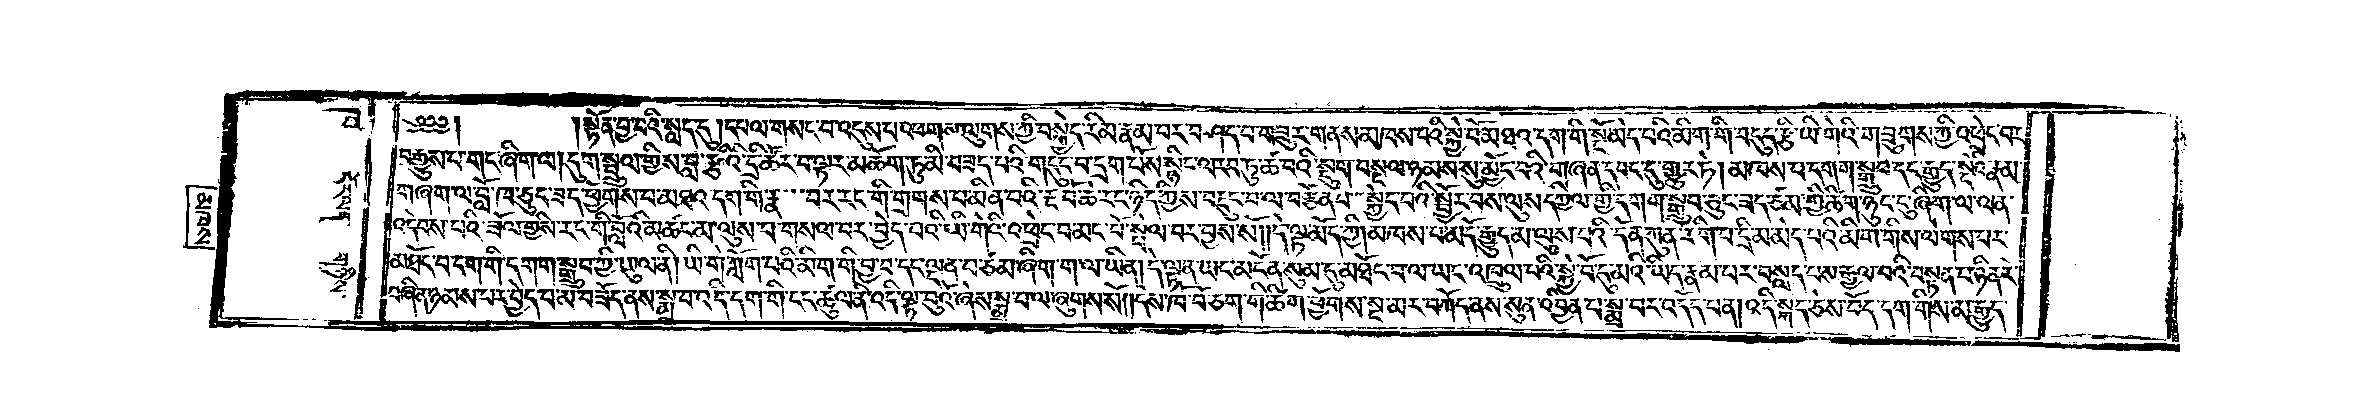༄༅༅། །སྟོན་བྱ་བའི་སླད་དུ། དཔལ་གསང་བ་འདུས་པ་འཕགས་ལུགས་ཀྱི་བསྐྱེད་རིམ་རྣམ་པར་བཤད་པ་གཟུར་གནས་མཁས་པའི་སྐྱེ་བོ་མཐའ་དག་གི་སྔོ་མེད་པའི་མིག་གི་བདུད་རྩི་ཡི་གེའི་གཟུགས་ཀྱི་འཕྲེང་བར་
བརྒྱུས་པ་གང་ཞིག་ལ། དུག་སྦྲུལ་གྱིས་བླ་རྩེའི་དྲི་ཚོར་བ་ལྟར་མཆོག་ཏུ་མི་བཟད་པའི་གདུང་བ་དྲག་པོས་སྙིང་ལ་རབ་ཏུ་ཚ་བའི་སྡུག་བསྔལ་ཉམས་སུ་མྱོང་བའི་གཞན་དབང་དུ་གྱུར་ཏེ། མཁས་པ་དགག་སྒྲུབ་དང་རྒྱུད་སྡེའི་རྣམ་
གཞག་ལ་བློ་ཁ་ཅུང་ཟད་ཕྱོགས་བ་མཐའ་དག་གི་རྣ་བར་རང་གི་གྲགས་པ་མིན་པའི་རྔ་བོ་ཆེ་རང་ཉིད་ཀྱིས་བརྡུང་བ་ལ་བརྩོན་པ་སྐྱེད་པའི་སྦྱོར་བས་ལུས་དཀྱིལ་གྱི་དགག་སྒྲུབ་ཅུང་ཟད་ཙམ་གྱི་ཚིག་ཉུང་ངུ་ཞིག་ལ་ལན་
འདེབས་པའི་ཟོལ་གྱིས་རང་གི་བློའི་མཚང་མ་ལུས་པ་གསལ་བར་བྱེད་པའི་ཡི་གེའི་འཕྲེང་བ་མང་པོ་སྤེལ་བར་བྱས་སོ། །དེ་ལྟ་མོད་ཀྱི། མཁས་པ་མདོ་རྒྱུད་མ་ལུས་པའི་དོན་ཀུན་རིག་པ་དྲི་མ་མེད་པའི་མིག་གིས་ལེགས་པར་
མཐོང་བ་དག་གི་དགག་སྒྲུབ་ཀྱི་ཡུལ་ནི། ཡི་གེ་ཀློག་པའི་མིག་གི་བྱ་བ་དང་ལྡན་པ་ཙམ་ཞིག་ག་ལ་ཡིན། དེ་ལྟ་ན་ཡང་མངོན་སུམ་དུ་མཐོང་བ་ལ་ཡང་འཁྲུལ་པའི་སྐྱེ་བོ་དུ་མའི་ཡིད་རྣམ་པར་བསླད་པས་རྒྱལ་བའི་བསྟན་པ་ཉིན་རེ་
བཞིན་ཉམས་པར་བྱེད་པ་མ་བཟོད་ནས་སྨྲ་བ་འདི་དག་གི་ངང་ཚུལ་ནི་འདི་ལྟ་བུའོ་ཞེས་སྨྲ་བ་ལ་ཞུགས་སོ། །དེས་ཁོ་བོ་ཅག་གི་ཚིག་ཕྱོགས་སྔ་མར་བཀོད་ནས་སུན་འབྱིན་པ་སྨྲ་བར་འདོད་པ་ན། འདི་སྐད་ཅེས་བོད་དག་གིས་མ་རྒྱུད་